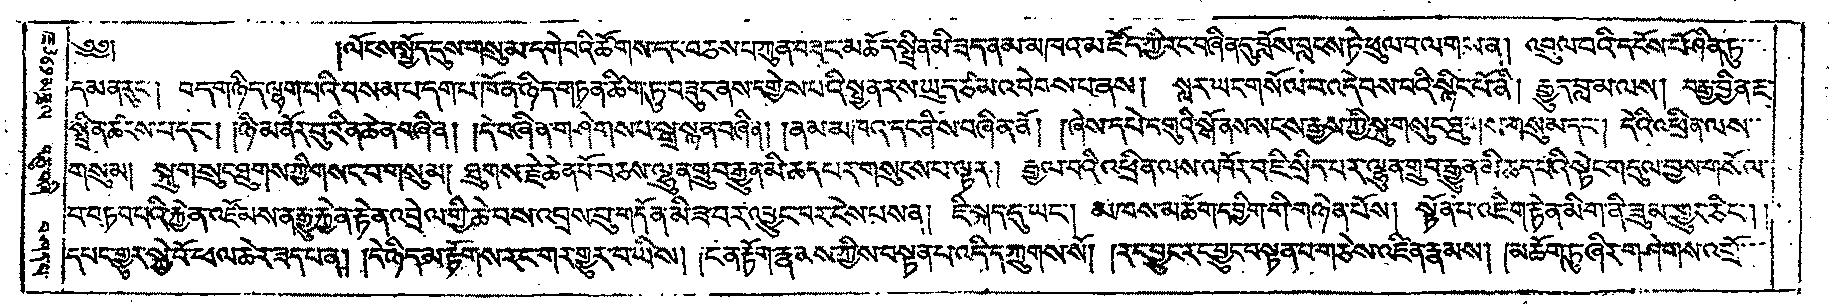༄༅། །ལོངས་སྤྱོད་དུས་གསུམ་དགེ་བའི་ཚོགས་དང་བཅས་པ་ཀུན་བཟང་མཆོད་སྤྲིན་མི་ཟད་ནམ་མཁའ་མཛོད་ཀྱི་རང་བཞིན་དུ་བློས་བླངས་ཏེ་ཕུལ་བ་ལགས་ན། འབུལ་བའི་དངོས་པོ་ཤིན་ཏུ་
དམན་རུང་། བདག་ཉིད་ལྷག་པའི་བསམ་པ་དག་པ་ཁོ་ན་ཉིད་གཏན་ཚིག་ཏུ་བཟུང་ནས་དགྱེས་པའི་སྤྱན་རས་ཡུད་ཙམ་འབེབས་པ་ནས། སླར་ཡང་གསོལ་བ་འདེབས་པའི་སྙིང་པོ་ནི། རྒྱུད་བླ་མ་ལས། བརྒྱ་བྱིན་རྔ་
སྤྲིན་ཚངས་པ་དང་། །ཉི་མ་ནོར་བུ་རིན་ཆེན་བཞིན། །དེ་བཞིན་གཤེགས་པ་སྒྲ་སྙན་བཞིན། །ནམ་མཁའ་དང་ནི་ས་བཞིན་ནོ། །ཞེས་དཔེ་དགུའི་སྒོ་ནས་སངས་རྒྱས་ཀྱི་སྐུ་གསུང་ཐུགས་གསུམ་དང་། དེའི་འཕྲིན་ལས་
གསུམ། སྐུ་གསུང་ཐུགས་ཀྱི་གསང་བ་གསུམ། ཐུགས་རྗེ་ཆེན་པོ་བཅས་ལྷུན་གྲུབ་རྒྱུན་མི་ཆད་པར་གསུངས་པ་ལྟར། རྒྱལ་བའི་འཕྲིན་ལས་འཁོར་བ་ཇི་སྲིད་པར་ལྷུན་གྲུབ་རྒྱུན་མི་ཆད་པའི་སྟེང་གདུལ་བྱས་གསོལ་
བ་བཏབ་པའི་རྐྱེན་འཛོམས་ན་རྒྱུ་རྐྱེན་རྟེན་འབྲེལ་གྱི་ཆེ་བས་འབྲས་བུ་གདོན་མི་ཟ་བར་འབྱུང་བར་ངེས་པས་ན། ཇི་སྐད་དུ་ཡང་། མཁས་མཆོག་དབྱིག་གི་གཉེན་པོས། སྟོན་པ་འཇིག་རྟེན་མིག་ནི་ཟུམ་གྱུར་ཅིང་། །
དཔང་གྱུར་སྐྱེ་བོ་ཕལ་ཆེར་ཟད་པ་ན། །དེ་ཉིད་མ་རྟོགས་རང་གར་གྱུར་བ་ཡིས། །ངན་རྟོག་རྣམས་ཀྱིས་བསྟན་པ་འདི་དཀྲུགས་སོ། །རང་བྱུང་རང་བྱུང་བསྟན་པ་གཅེས་འཛིན་རྣམས། །མཆོག་ཏུ་ཞིར་གཤེགས་འགྲོ་